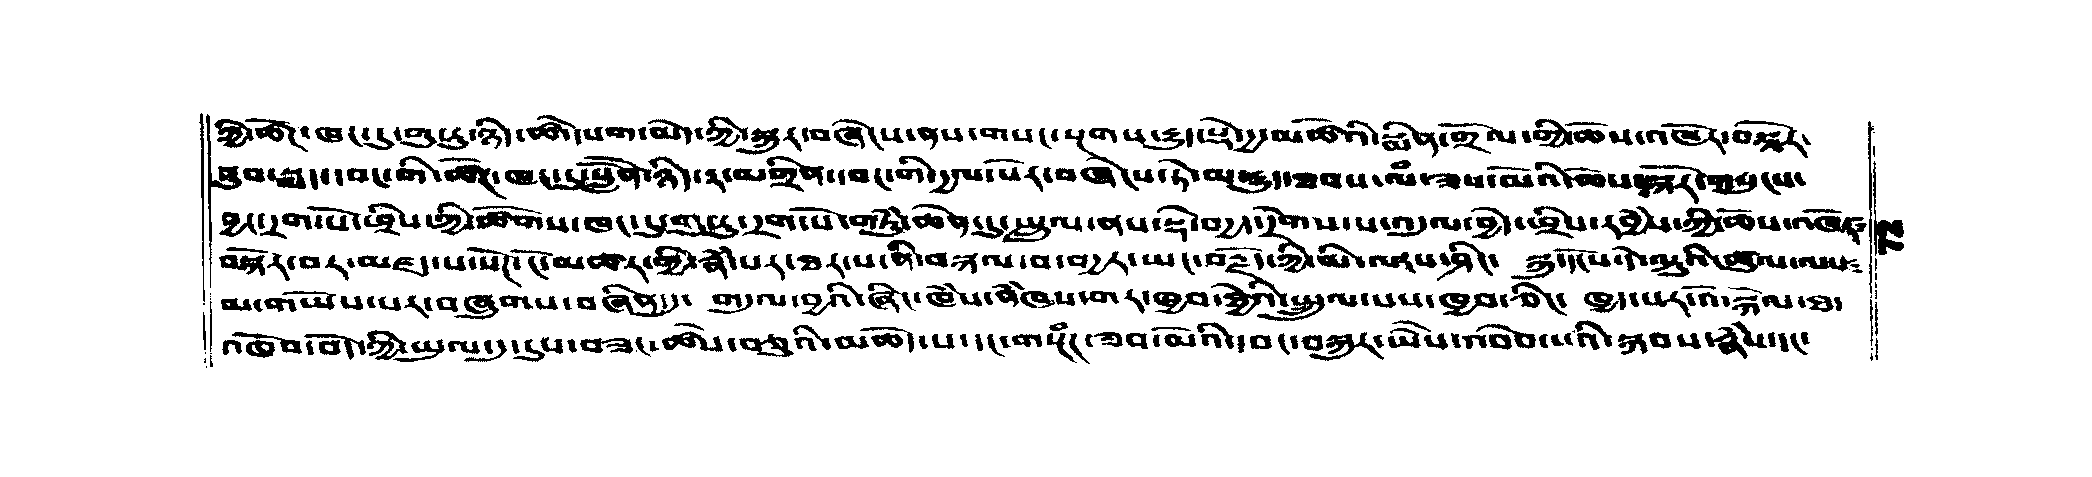ཀྱི་ཚོགས་ཁང་དུ་གུ་རུ་ཉིད་ཚེ་དཔག་མེད་ཀྱི་སྐུར་བཞེངས་ནས་གསང་སྔགས་རྒྱུད་སྡེ་རྒྱ་མཚོའི་སྨིན་གྲོལ་གྱི་ཆོས་འཁོར་བསྐོར། 
ནུབ་སྨད་དབང་གི་ཚོགས་ཁང་དུ་སློབ་དཔོན་ཉིད་རྟ་མགྲིན་དབང་གི་རྒྱལ་པོར་བཞེངས་ཏེ་མ་རྒྱུད་ཐབས་ལམ་ཟབ་མོའི་ཆོས་སྐོར་གསུངས་
བྱང་དྲག་པོ་ཕྲིན་ལས་ཀྱི་ཚོགས་ཁང་དུ་གུ་རུ་དྲག་པོ་གཏུམ་ཆེན་དུ་སྤྲུལ་ནས་སྡེ་བརྒྱད་དྲེགས་པ་འདུལ་བྱེད་ཕྲིན་ལས་རབ་འབྱམས་ཀྱི་ཆོས་འཁོར་
བསྐོར་བར་མཛད་པ་སོགས་ངོ་མཚར་གྱི་རྣམ་པར་ཐར་པ་ནི་བསྐལ་བ་བརྒྱར་ཡང་བརྗོད་ཀྱི་མི་ལངས་ཤིང་། སྐུ་དངོས་དེ་ལྟ་བུའི་ཚུལ་ལས་
མ་གཡོས་པར་བཞུགས་བཞིན་དུ། གདུལ་བྱའི་ཞིང་ཁམས་ནམ་མཁས་གར་ཁྱབ་ཐུགས་རྗེའི་སྤྲུལ་པས་ཁྱབ་ཅིང་། ཁྱད་པར་འོ་སྐོལ་ཐ་
འཁོབ་བོད་ཀྱི་ཡུལ་དུ་དུས་བཟང་ཚེས་བཅུའི་མཆོད་པ་དང་གསང་སྔགས་ཟབ་མོའི་དབང་བསྐུར་ཡེ་ཤེས་འབེབས་པའི་སྐབས་རྣམས་དང་།